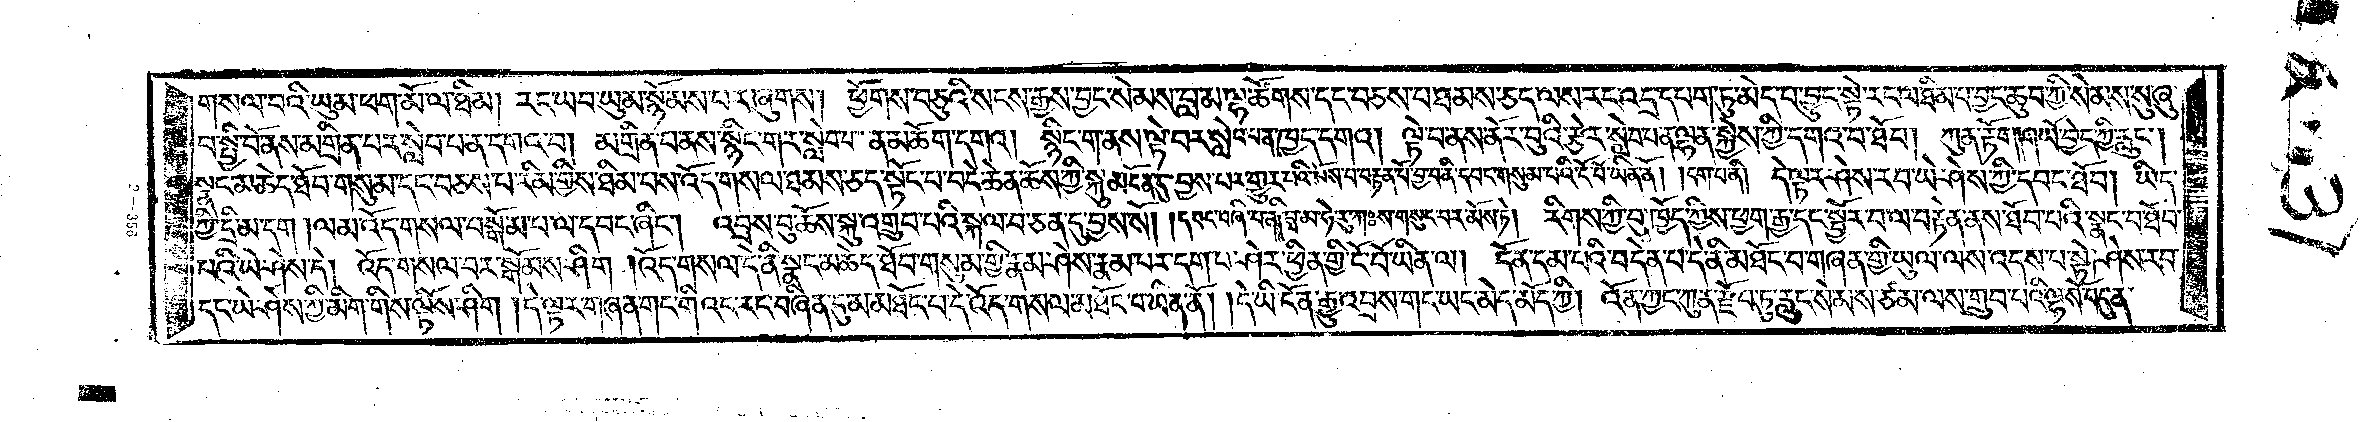གསལ་བའི་ཡུམ་ཕག་མོ་ལ་ཐིམ། རང་ཡབ་ཡུམ་སྙོམས་པར་ཞུགས། ཕྱོགས་བཅུའི་སངས་རྒྱས་བྱང་སེམས་བླ་མ་ལྷ་ཚོགས་དང་བཅས་པ་ཐམས་ཅད་ལས་རང་འདྲ་དཔག་ཏུ་མེད་པ་བྱུང་སྟེ་རང་ལ་ཐིམ་པ་བྱང་ཆུབ་ཀྱི་སེམས་སུ་ཞུ་
བ་སྤྱི་བོ་ནས་མགྲིན་པར་སླེབ་པན་དགའ་བ། མགྲིན་པ་ནས་སྙིང་གར་སླེབ་པ་ན་མཆོག་དགའ། སྙིང་གནས་ལྟེ་བར་སླེབ་པ་ན་ཁྱད་དགའ། ལྟེ་བ་ནས་ནོར་བུའི་རྩེར་སླེབ་པན་ལྷན་སྐྱེས་ཀྱི་དགའ་བ་ཐོབ། ཀུན་རྟོག །གཡོ་བྱེད་ཀྱི་རླུང་།
སྣང་མཆེད་ཐོབ་གསུམ་དང་བཅས་པ་རིམ་གྱིས་ཐིམ་པས་འོད་གསལ་ཐམས་ཅད་སྟོང་པ་བདེ་ཆེན་ཆོས་ཀྱི་སྐུ་མངོན་དུ་བྱས་པར་གྱུར་པའི་མོས་པ་བརྟན་པོ་བྱ་བ་ནི་དབང་གསུམ་པའི་ངོ་བོ་ཡིན་ནོ། །དག་པ་ནི། དེ་ལྟར་ཤེས་རབ་ཡེ་ཤེས་ཀྱི་དབང་ཐོབ། ཡིད་
ཀྱི་དྲི་མ་དག །ལམ་འོད་གསལ་བསྒོམ་པ་ལ་དབང་ཞིང་། འབྲས་བུ་ཆོས་སྐུ་འགྲུབ་པའི་སྐལ་བ་ཅན་དུ་བྱས་སོ། །དབང་བཞི་པ་ནི་བླ་མ་ཧེ་རུ་ཀཿས་གསུང་བར་མོས་ཏེ།  རིགས་ཀྱི་བུ་ཁྱོད་ཀྱིས་ཕྱག་རྒྱ་དང་སྦྱོར་བ་ལ་བརྟེན་ནས་ཐོབ་པའི་སྣང་བ་ཐོབ་
པའི་ཡེ་ཤེས་དེ། འོད་གསལ་བར་སྒོམས་ཤིག །འོད་གསལ་དེ་ནི་སྣང་མཆེད་ཐོབ་གསུམ་གྱི་རྣམ་ཤེས་རྣམ་པར་དག་པ་ཤེར་ཕྱིན་གྱི་ངོ་བོ་ཡིན་ལ། དོན་དམ་པའི་བདེན་པ་དེ་ནི་མཐོང་བ་གཞན་གྱི་ཡུལ་ལས་འདས་པ་སྟེ། ཤེས་རབ་
དང་ཡེ་ཤེས་ཀྱི་མིག་གིས་ལྟོས་ཤིག །དེ་ལྟར་གཞན་གང་གིའང་རང་བཞིན་དུ་མ་མཐོང་བ་དེ་འོད་གསལ་མཐོང་བ་ཡིན་ནོ། །དེ་ཡི་ངོ་ན་རྒྱུ་འབྲས་གང་ཡང་མེད་མོད་ཀྱི། འོན་ཀྱང་ཀུན་རྫོབ་ཏུ་རླུང་སེམས་ཙམ་ལས་གྲུབ་པའི་ལྷ་སོ་བདུན་